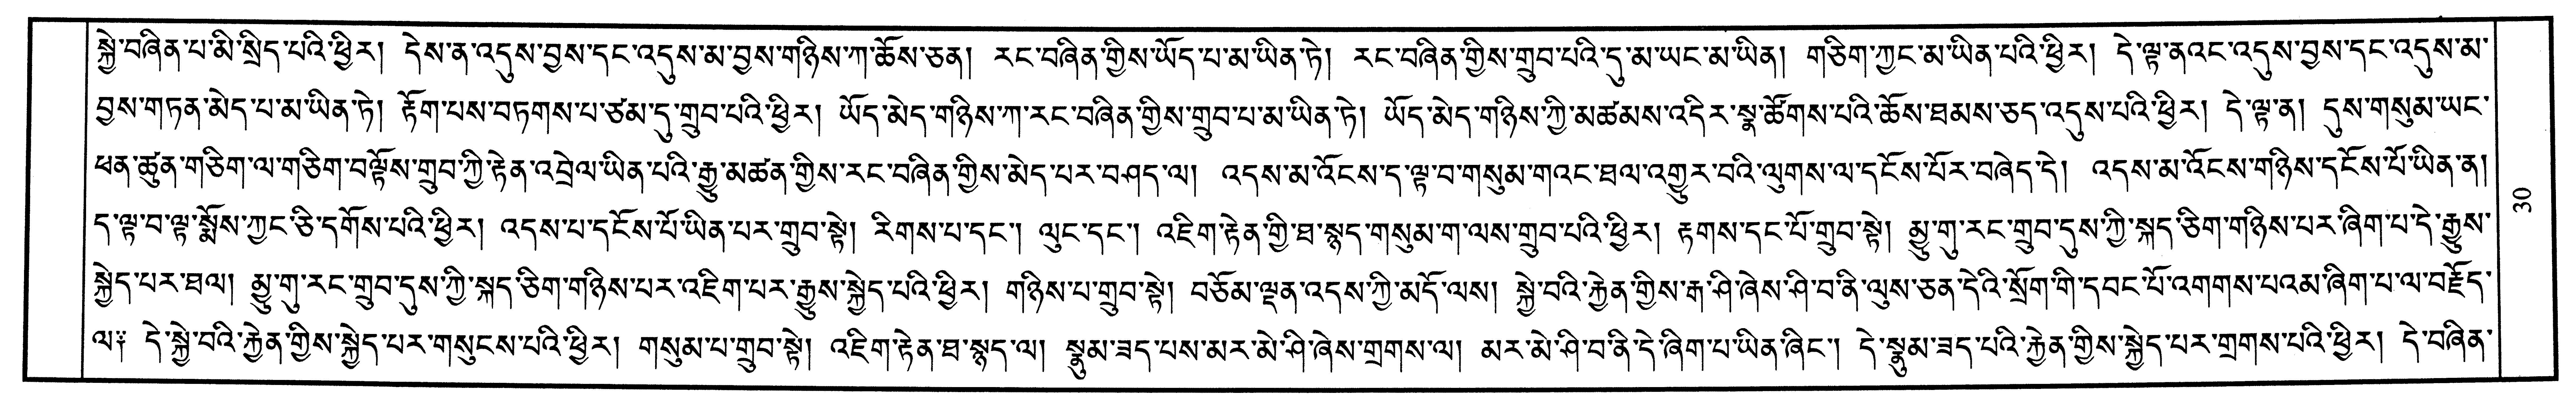སྐྱེ་བཞིན་པ་མི་སྲིད་པའི་ཕྱིར། དེས་ན་འདུས་བྱས་དང་འདུས་མ་བྱས་གཉིས་ཀ་ཆོས་ཅན། རང་བཞིན་གྱིས་ཡོད་པ་མ་ཡིན་ཏེ། རང་བཞིན་གྱིས་གྲུབ་པའི་དུ་མ་ཡང་མ་ཡིན། གཅིག་ཀྱང་མ་ཡིན་པའི་ཕྱིར། དེ་ལྟ་ནའང་འདུས་བྱས་དང་འདུས་མ་
བྱས་གཏན་མེད་པ་མ་ཡིན་ཏེ། རྟོག་པས་བཏགས་པ་ཙམ་དུ་གྲུབ་པའི་ཕྱིར། ཡོད་མེད་གཉིས་ཀ་རང་བཞིན་གྱིས་གྲུབ་པ་མ་ཡིན་ཏེ། ཡོད་མེད་གཉིས་ཀྱི་མཚམས་འདིར་སྣ་ཚོགས་པའི་ཆོས་ཐམས་ཅད་འདུས་པའི་ཕྱིར། དེ་ལྟ་ན། དུས་གསུམ་ཡང་
ཕན་ཚུན་གཅིག་ལ་གཅིག་བལྟོས་གྲུབ་ཀྱི་རྟེན་འབྲེལ་ཡིན་པའི་རྒྱུ་མཚན་གྱིས་རང་བཞིན་གྱིས་མེད་པར་བཤད་ལ། འདས་མ་འོངས་ད་ལྟ་བ་གསུམ་གའང་ཐལ་འགྱུར་བའི་ལུགས་ལ་དངོས་པོར་བཞེད་དེ། འདས་མ་འོངས་གཉིས་དངོས་པོ་ཡིན་ན།
ད་ལྟ་བ་ལྟ་སྨོས་ཀྱང་ཅི་དགོས་པའི་ཕྱིར། འདས་པ་དངོས་པོ་ཡིན་པར་གྲུབ་སྟེ། རིགས་པ་དང་། ལུང་དང་། འཇིག་རྟེན་གྱི་ཐ་སྙད་གསུམ་ག་ལས་གྲུབ་པའི་ཕྱིར། རྟགས་དང་པོ་གྲུབ་སྟེ། མྱུ་གུ་རང་གྲུབ་དུས་ཀྱི་སྐད་ཅིག་གཉིས་པར་ཞིག་པ་དེ་རྒྱུས་
སྐྱེད་པར་ཐལ། མྱུ་གུ་རང་གྲུབ་དུས་ཀྱི་སྐད་ཅིག་གཉིས་པར་འཇིག་པར་རྒྱུས་སྐྱེད་པའི་ཕྱིར། གཉིས་པ་གྲུབ་སྟེ། བཅོམ་ལྡན་འདས་ཀྱི་མདོ་ལས། སྐྱེ་བའི་རྐྱེན་གྱིས་རྒ་ཤི་ཞེས་ཤི་བ་ནི་ལུས་ཅན་དེའི་སྲོག་གི་དབང་པོ་འགགས་པའམ་ཞིག་པ་ལ་བརྗོད་
ལ༑ དེ་སྐྱེ་བའི་རྐྱེན་གྱིས་སྐྱེད་པར་གསུངས་པའི་ཕྱིར། གསུམ་པ་གྲུབ་སྟེ། འཇིག་རྟེན་ཐ་སྙད་ལ། སྣུམ་ཟད་པས་མར་མེ་ཤི་ཞེས་གྲགས་ལ། མར་མེ་ཤི་བ་ནི་དེ་ཞིག་པ་ཡིན་ཞིང་། དེ་སྣུམ་ཟད་པའི་རྐྱེན་གྱིས་སྐྱེད་པར་གྲགས་པའི་ཕྱིར། དེ་བཞིན་